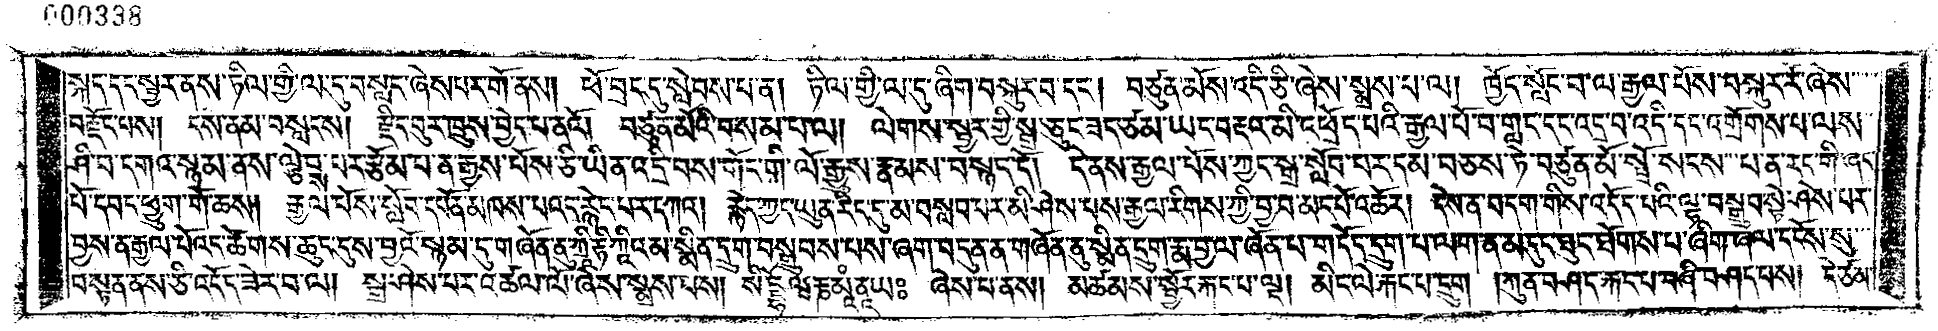སྐད་དང་སྦྱར་ནས་ཏིལ་གྱི་ལ་དུ་བསླང་ཞེས་པར་གོ་ནས། ཕོ་བྲང་དུ་སླེབས་པ་ན། ཏིལ་གྱི་ལ་དུ་ཞིག་བསྐུར་བ་དང་། བཙུན་མོས་འདི་ཅི་ཞེས་སྨྲས་པ་ལ། ཁྱོད་སློང་བ་ལ་རྒྱལ་པོས་བསྐུར་རོ་ཞེས་
བརྗོད་པས། ངས་ནམ་བསླངས། རྫིང་བུར་ཁྲུས་བྱེད་པ་ནའོ། བཙུན་མོའི་བསམ་པ་ལ། ལེགས་སྦྱར་གྱི་སྒྲ་ཅུང་ཟད་ཙམ་ཡང་བརྡའ་མི་འཕྲོད་པའི་རྒྱལ་པོ་བ་གླང་དང་འདྲ་བ་འདི་དང་འགྲོགས་པ་ལས་
ཤི་བ་དགའ་སྙམ་ནས་ལྕེབས་པར་རྩོམ་པ་ན་རྒྱས་པོས་ཅི་ཡིན་འདྲི་བས་གོང་གི་ལོ་རྒྱུས་རྣམས་བསྙད་དོ། དེ་ནས་རྒྱལ་པོས་ཀྱང་སྒྲ་སློབ་པར་དམ་བཅས་ཏེ་བཙུན་མོ་སྤྲོ་སངས་པ་ན་རང་གི་ཞང་
པོ་དབང་ཕྱུག་གོ་ཆས། རྒྱལ་པོས་སློབ་དཔོན་མཁས་པའང་རྙེད་པར་དཀའ། རྙེད་ཀྱང་ཡུན་རིང་དུ་མ་བསླབ་པར་མི་ཤེས་པས་རྒྱལ་རིགས་ཀྱི་བྱ་བ་མང་པོ་འཆོར། དེས་ན་བདག་གིས་འདོད་པའི་ལྷ་བསྒྲུབ་སྟེ་ཤེས་པར་
བྱས་ན་རྒྱལ་པོའང་ཚེགས་ཆུང་དུས་བྱའོ་སྙམ་དུ་གཞོན་ནུ་ཀྲཱི་རྟི་ཀཱིའམ་སྨིན་དྲུག་བསྒྲུབས་པས་ཞག་བདུན་ན་གཞོན་ནུ་སྨིན་དྲུག་རྨ་བྱ་ལ་ཞོན་པ་གདོད་དྲུག་པ་ལག་ན་མདུང་ཐུང་ཐོགས་པ་ཞིག་ཞལ་དངོས་སུ་
བསྟན་ནས་ཅི་འདོད་ཟེར་བ་ལ། སྒྲ་ཤེས་པར་འཚལ་ལོ་ཞེས་སྨྲས་པས། སིདྡྷོ་ཝརྞ་མཱཾ་ནཱ་ཡཿ ཞེས་པ་ནས། མཚམས་སྦྱོར་རྐང་པ་ལྔ། མིང་ལེ་རྐང་པ་དྲུག །ཀུན་བཤད་རྐང་པ་བཞི་བཤད་པས། དེ་ཙམ་